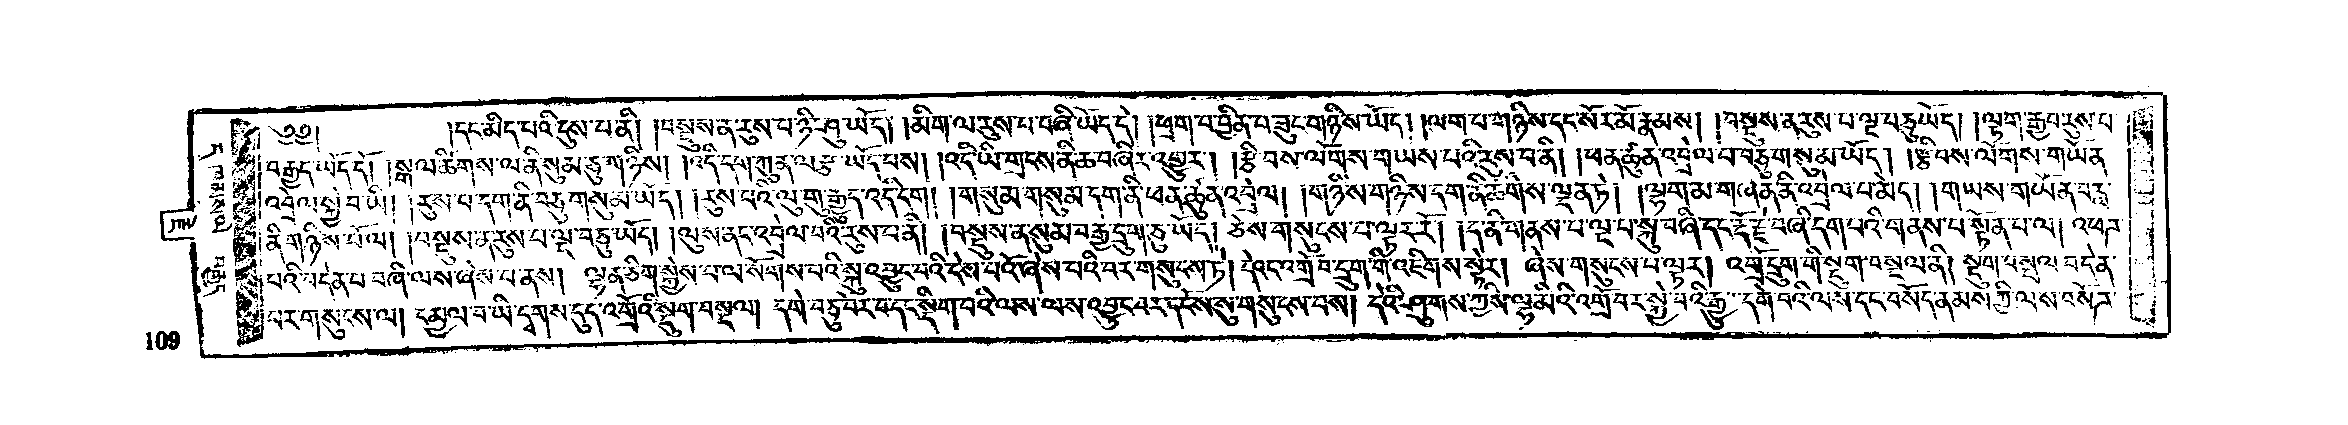༄༅། །དང་མེད་པའི་དུས་པ་ནི། །བསྡུས་ན་རུས་པ་ཉི་ཤུ་ཡོད། །མིག་ལ་རུས་པ་བཞི་ཡོད་དེ། །ཕྲག་པ་བྱིན་པ་ཟུང་གཉིས་ཡོད། །ལག་པ་གཉིས་དང་སོར་མོ་རྣམས། །བསྡུས་ན་རུས་པ་ལྔ་བཅུ་ཡོད། །ལྟག་རྒྱབ་རུས་པ་
བརྒྱད་ཡོད་དོ། །སྒལ་ཚིགས་ལ་ནི་སུམ་ཅུ་གཉིས། །འདི་དག་ཀུན་ལ་རྩ་ཡོད་པས། །འདི་ཡི་གྲངས་ནི་ཆ་བཞིར་འགྱུར། །རྩི་བས་ལོགས་གཡས་པའི་རུས་པ་ནི། །ཕན་ཚུན་འབྲེལ་པ་བཅུ་གསུམ་ཡོད། །རྩིབས་ལོགས་གཡོན་
འབྲེལ་སྐྱེ་བ་ཡི། །རུས་པ་དག་ནི་བཅུ་གསུམ་ཡོད། །རུས་པའི་ལུ་གུ་རྒྱུད་འདི་དག །གསུམ་གསུམ་དག་ནི་ཕན་ཚུན་འབྲེལ། །གཉིས་གཉིས་དག་ནི་ཚིགས་ལྡན་ཏེ། །ལྷག་མ་གཞན་ནི་འབྲེལ་པ་མེད། །གཡས་གཡོན་བརླ་
ནི་གཉིས་པོ་ལ། །བསྡུས་ན་རུས་པ་ལྔ་བཅུ་ཡོད། །ལུས་ནང་འབྲེལ་བའི་རུས་པ་ནི། །བསྡུས་ན་སུམ་བརྒྱ་དྲུག་ཅུ་ཡོད། ཅེས་གསུངས་པ་ལྟར་རོ། །ད་ནི་གནས་པ་ལྔ་པ་སྐུ་བཞི་དང་རྡོ་རྗེ་བཞི་དག་པའི་གནས་པ་སྟོན་པ་ལ། འཕགས་
པའི་བདེན་པ་བཞི་ལས་ཞེས་པ་ནས། ལྷན་ཅིག་སྐྱེས་པ་ལ་སོགས་པའི་སྐུ་འབྱུང་བའི་ངེས་པའོ་ཞེས་པའི་བར་གསུངས་ཏེ། དེའང་འགྲོ་བ་དྲུག་གི་འཇིགས་སྟེར། ཞེས་གསུངས་པ་ལྟར། འགྲོ་དྲུག་གི་སྡུག་བསྔལ་ནི། སྡུག་བསྔལ་བདེན་
པར་གསུངས་ལ། དམྱལ་བ་ཡི་དྭགས་དུད་འགྲོའི་སྡུག་བསྔལ། དགེ་བཅུ་པོར་བ་དང་སྡིག་པའི་ལས་ལས་འབྱུང་བར་དངོས་སུ་གསུངས་པས། དེའི་ཤུགས་ཀྱིས་ལྷ་མིའི་འགྲོ་བར་སྐྱེ་བའི་རྒྱུ་དགེ་བའི་ལས་དང་བསོད་ནམས་ཀྱི་ལས་བསོགས་